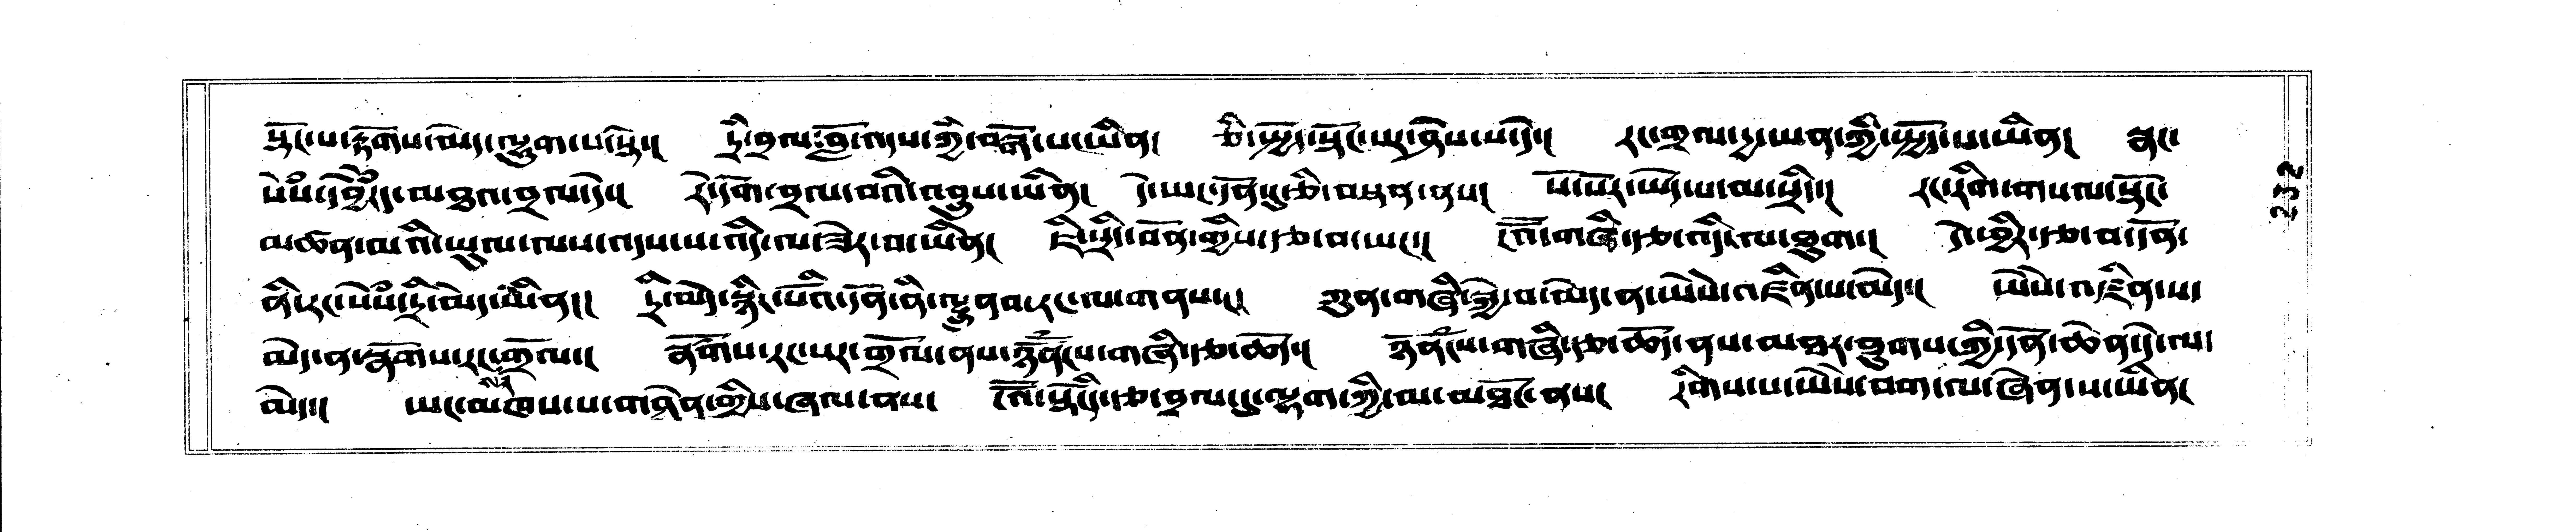སྟོང་ལ་རྟོག་མེད་ལྷུག་པ་དེ། དྲི་མེད་བློ་འདས་ཀྱིས་སྒོམ་པ་ཡིན། ཅི་སྤྱོད་སྟོང་པར་ཤེས་པ་དེ། རང་གྲོལ་རྒྱ་ཡན་གྱིས་སྤྱོད་པ་ཡིན། སྣང་
སེམས་དབྱེར་མེད་མཐའ་བྲལ་དེ། རེ་དོག་བྲལ་བའི་འབྲས་བུ་ཡིན། དེ་ཡང་དོན་གཅིག་ཏུ་བསྟན་ན་སོ་སོར་ཡོད་མི་བསྲིད། རང་རིག་གསལ་སྟོང་
མཚན་མའི་ཡུལ་ལས་འདས་པ་དེ་ལ་ཟེར་བ་ཡིན། ཅི་སྲིད་བོན་གྱི་རྩ་བ་ཡང་། ངོའོ་གཞི་རྩལ་འདི་ལས་ཐུགས། དེ་ཕྱིར་རྩ་བའི་དོན་
རང་སེམས་དྲི་མེད་ཡིན། དྲི་མེད་སྙིང་པོའི་དོན་ནི་ལྷུན་གྲུབ་རང་ལ་གནས། ཀུན་གཞི་གཡོ་བ་མེད་ན་ཡེ་ཤེས་འཛིན་པ་མེད། ཡེ་ཤེས་འཛིན་པ་
མེད་ན་སྣ་ཚོགས་རང་སར་གྲོལ། སྣ་ཚོགས་རང་སར་གྲོལ་ན་ཉོན་མོངས་ཀྱིས་གཞི་རྩ་ཆོད། ཉོན་མོངས་ཀྱིས་གཞི་རྩ་ཆོད་ན་མཐུར་ཐུག་དོན་ཆེན་དེ་ལས་
མེད། ཡང་མཁས་པ་གཤེན་གྱིས་ཞལ་ནས། ངོའོ་སྟོང་ཉིད་རྩ་བྲལ་དུ་ལྷག་གིས་མ་མཐོང་ན། རིག་པའི་ཡེ་ཤེས་བག་ལ་ཞེན་པ་ཡིན།